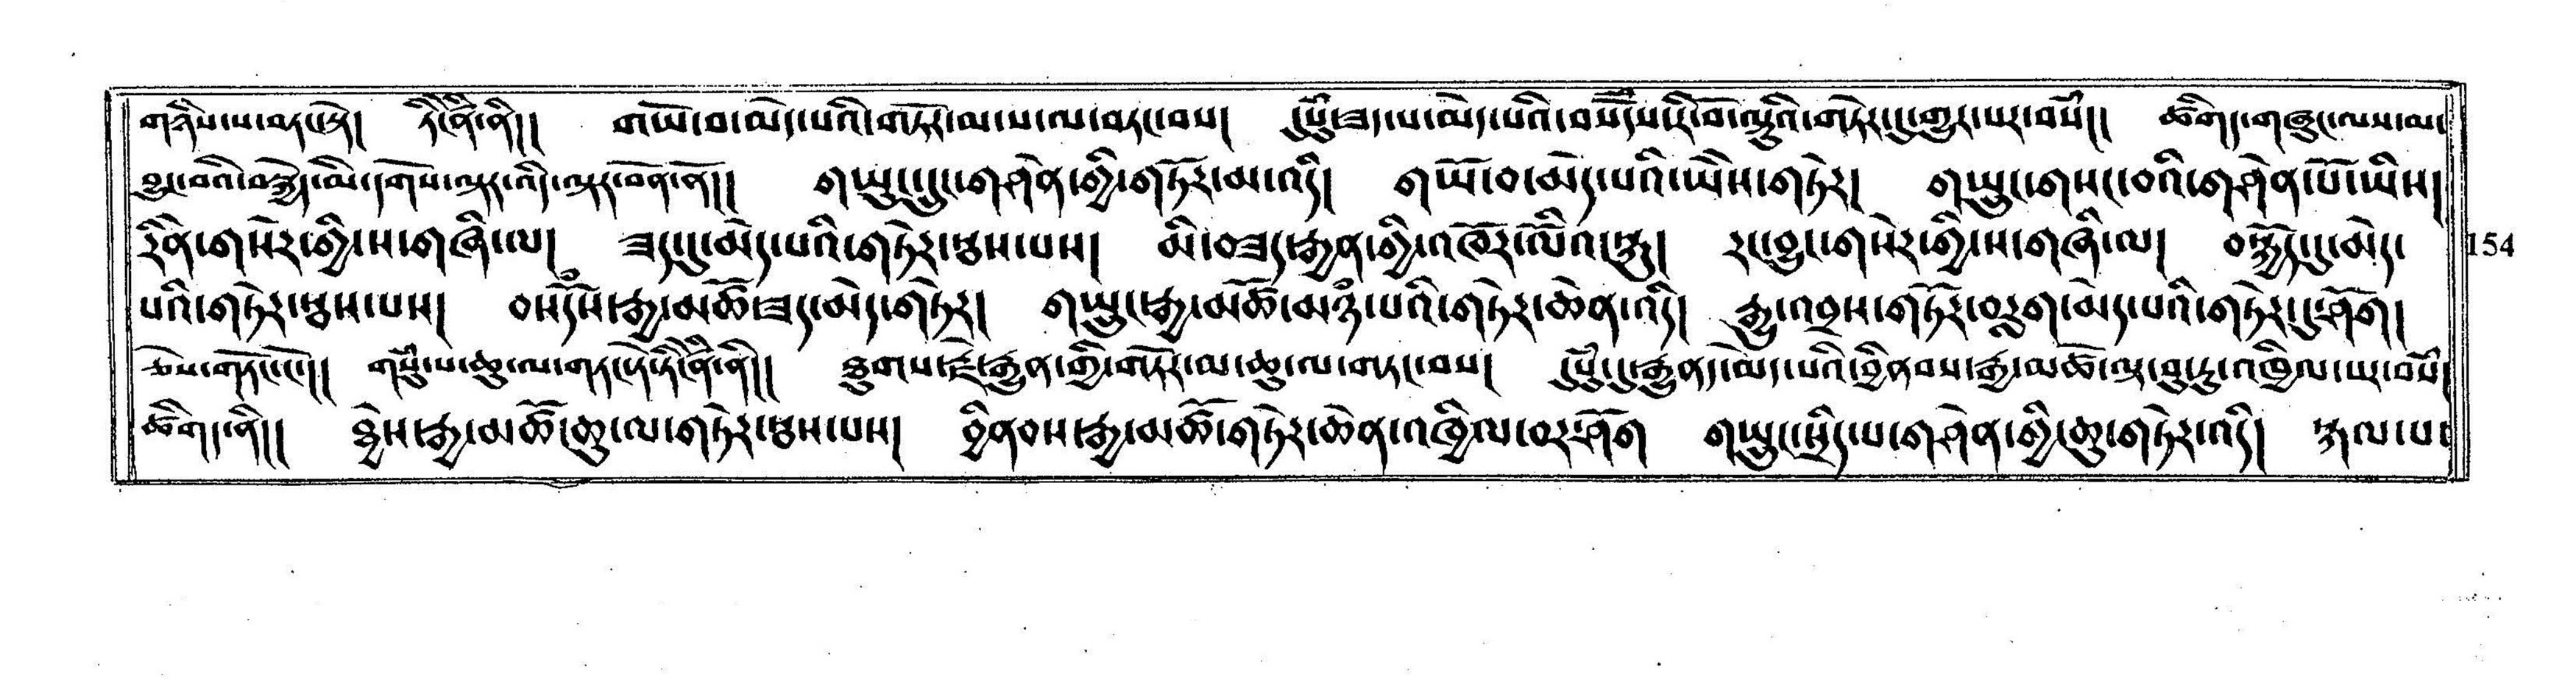གཉིས་པ་བཏང་སྟེ། ཏིང་ངེ་འཛིན་ནི།། གཡོ་བ་མེད་པའི་གཏོར་མ་ས་ལ་བཏང་བས། དུས་གསུམ་ཟད་པ་མེད་པའི་བསོད་ནམས་རི་བོ་ལྟ་བུའི་གཏེར་དུ་གྱུར་པར་བསམ།། ཚིག་བཤད་གཞུང་ལས་མ་
བྱུང་བའི་བསྐྱེད་མི་དགོས་ལྟར་འདི་ལྟར་བོན་ནོ།། གཡུང་དྲུང་གཤེན་གྱི་གཏོར་མ་འདི། གཡོ་བ་མེད་པའི་ཡེ་ཤེས་གཏེར། གཡུང་དྲུང་གསང་བའི་གཤེན་པོ་ཡིས། 
རིན་ཆེན་གསེར་གྱི་ས་གཞི་ལ། ཟད་དུ་མེད་པའི་གཏེར་སྦས་པས། མི་བཟད་རྒྱན་གྱི་འཁོར་ལོའི་སྐུ། རང་བྱུང་གསེར་གྱི་ས་གཞི་ལ། བསྐྱོད་དུ་མེད་
པའི་གཏེར་སྦས་པས། བསོད་ནམས་རྒྱ་མཚོ་ཟད་མེད་གཏེར། གཡུང་དྲུང་རྒྱ་མཚོ་མཉམ་པའི་གཏེར་ཆེན་འདི། རྒྱུ་འབྲས་གཏོར་བརླག་མེད་པའི་གཏེར་དུ་ཤོག 
ཅེས་གཏོང་ངོ་།། གསུམ་པ་ཆུ་ལ་གཏང་ཏེ་ཏིང་ངེ་འཛིན་ནི།། ཐུགས་རྗེ་རྒྱུན་གྱི་གཏོར་མ་ཆུ་ལ་གཏང་བས། དུས་གསུམ་དུ་རྒྱུན་ཆད་མེད་པའི་བྱིན་རླབས་རྒྱ་མཚོ་ལྟ་བུ་རུ་འཁྱིལ་པར་བསམ། 
ཚིག་བཤད་ནི།། ཐུགས་རྗེས་རྒྱ་མཚོ་ཆུ་ལ་གཏེར་སྦས་པས། བྱིན་རླབས་རྒྱ་མཚོ་གཏེར་ཆེན་འཁྱིལ་བར་ཤོག གཡུང་དྲུང་སྲིད་པ་གཤེན་གྱི་ཆུ་གཏེར་འདི། སྐལ་པ་